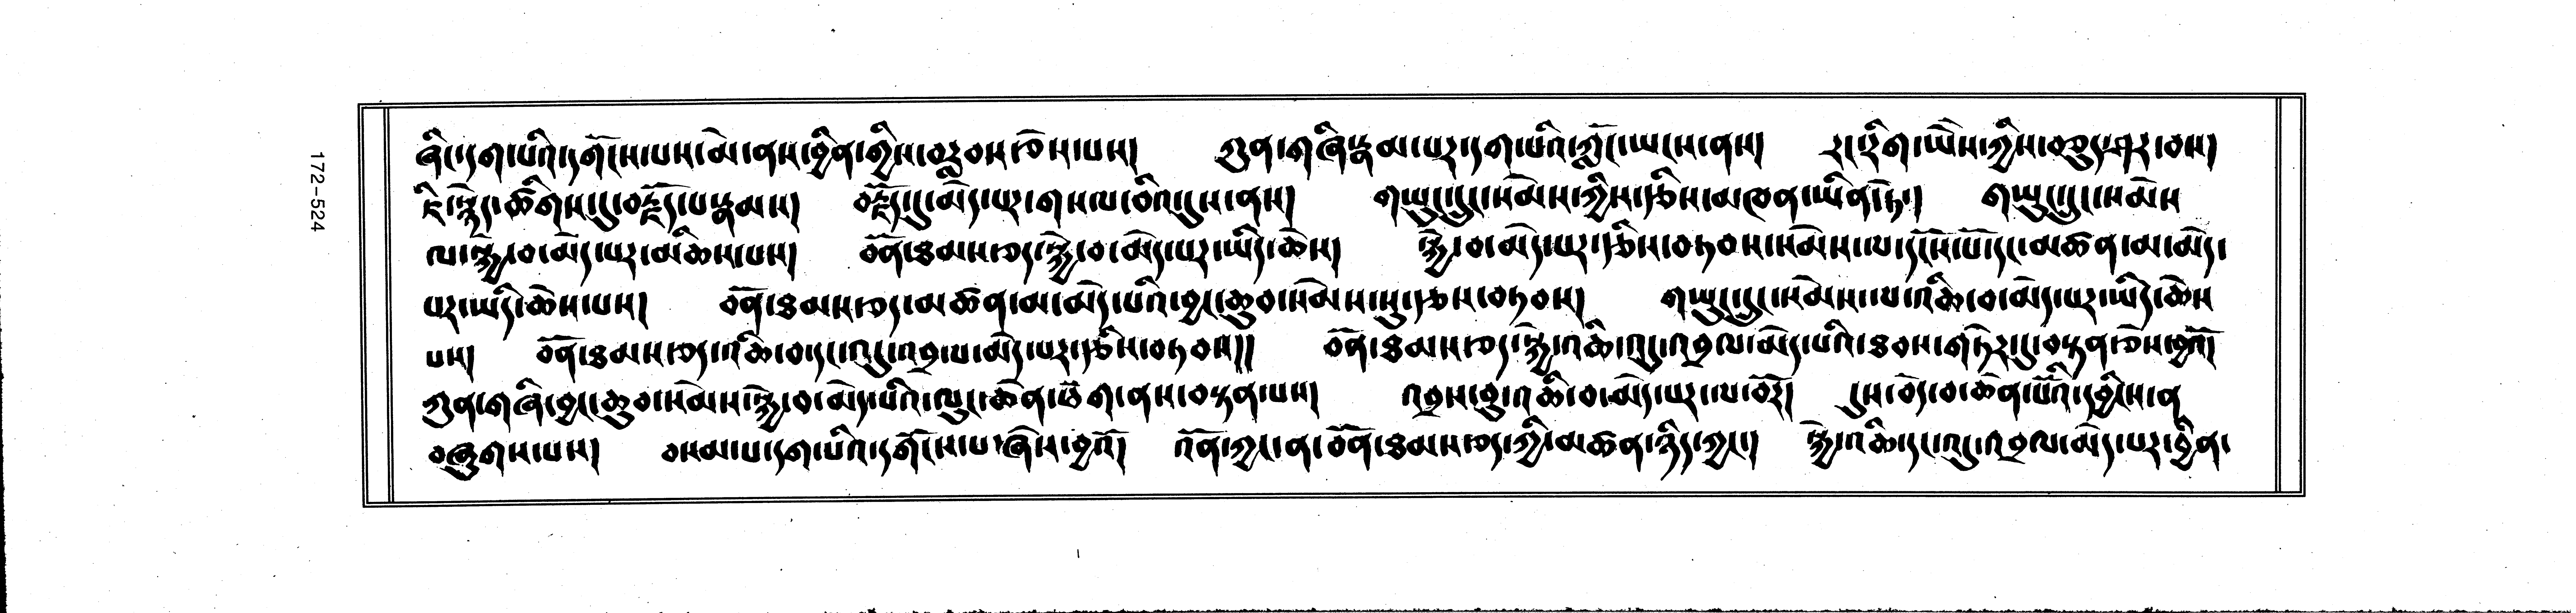ཞིང་དག་པའི་དགོངས་པས་མེ་ནས་བྱིན་གྱིས་བརླབས་ཅེས་པས། ཀུན་གཞི་རྣམ་པར་དག་པའི་ཀློང་ཡོངས་ནས། རང་རིག་ཡེ་ཤེས་ཀྱིས་བཅུད་ཤར་བས། 
ཇི་སྙེད་ཚིག་དུ་བརྗོད་པ་རྣམས། བརྗོད་དུ་མེད་པར་གསལ་བའི་དུས་ནས། གཡུང་དྲུང་སེམས་ཀྱིས་རྩིས་མཁན་ཡིན་ཏེ། གཡུང་དྲུང་སེམས་
ལ་སྐྱེ་བ་མེད་པར་མཆིས་པས། བོན་ཐམས་ཅད་སྐྱེ་བ་མེད་པར་ཡིད་ཆེས། སྐྱེ་བ་མེད་པར་རྩིས་བཏབས་སེམས་ལ་དངོས་པོ་དང་མཚན་མ་མེད་
པར་ཡིད་ཆེས་པས། བོན་ཐམས་ཅད་མཚན་མ་མེད་པའི་བྱང་ཆུབ་སེམས་སུ་རྩིས་བཏབས། གཡུང་དྲུང་སེམས་ལ་འཆི་བ་མེད་པར་ཡིད་ཆེས་
པས། བོན་ཐམས་ཅད་འཆི་བ་དང་འདུ་འབྲལ་མེད་པར་རྩིས་བཏབས། བོན་ཐམས་ཅད་སྐྱེ་འཆི་འདུ་འབྲལ་མེད་པའི་ཐབས་གཏེར་དུ་བསྟན་ཅེས་བྱའོ། 
ཀུན་གཞི་བྱང་ཆུབ་སེམས་སྐྱེ་བ་མེད་པའི་ལུང་ཆེན་ཕོག་ནས་བསྟན་པས། འབྲས་བུ་འཆི་བ་མེད་པར་ལ་བོར། དུས་བདེ་བ་ཆེན་པོའི་དབྱིངས་ན་
བཞུགས་པས། བསམ་པ་དག་པའི་དགོངས་པ་ཞེས་བྱའོ། འོན་ཀྱང་ན་བོན་ཐམས་ཅད་ཀྱི་མཚན་ཉིད་ཀྱང་། སྐྱེ་འཆི་དང་འདུ་འབྲལ་མེད་པར་བྱིན་